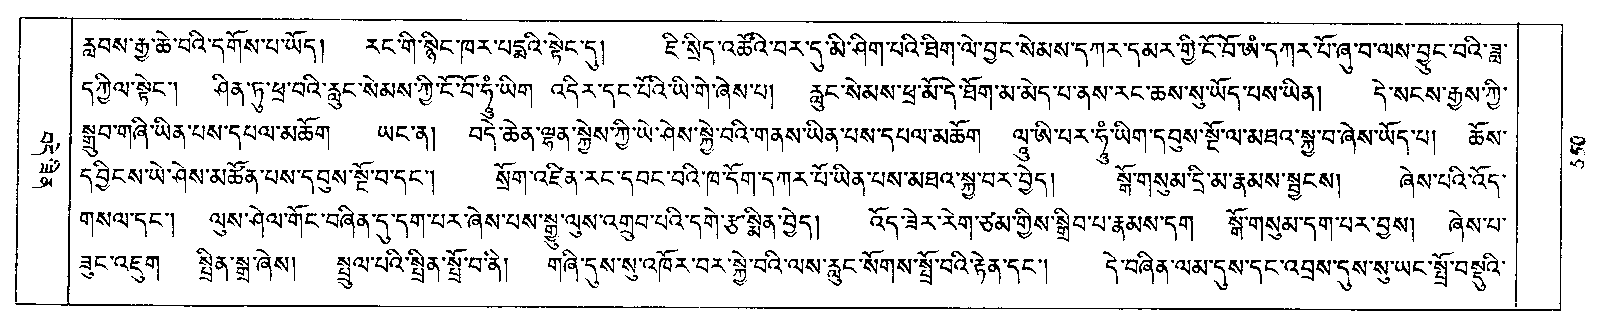རླབས་རྒྱ་ཆེ་བའི་དགོས་པ་ཡོད། རང་གི་སྙིང་ཁར་པདམའི་སྟེང་དུ། ཇི་སྲིད་འཚོའི་བར་དུ་མི་ཤིག་པའི་ཐིག་ལེ་བྱང་སེམས་དཀར་དམར་གྱི་ངོ་བོ་ཨཾ་དཀར་པོ་ཞུ་བ་ལས་བྱུང་བའི་ཟླ་
དཀྱིལ་སྟེང་། ཤིན་ཏུ་ཕྲ་བའི་རླུང་སེམས་ཀྱི་ངོ་བོ་ཧཱུཾ་ཡིག་འདིར་དང་པོའི་ཡི་གེ་ཞེས་པ། རླུང་སེམས་ཕྲ་མོ་དེ་ཐོག་མ་མེད་པ་ནས་རང་ཆས་སུ་ཡོད་པས་ཡིན། དེ་སངས་རྒྱས་ཀྱི་
སྒྲུབ་གཞི་ཡིན་པས་དཔལ་མཆོག་ཡང་ན། བདེ་ཆེན་ལྷན་སྐྱེས་ཀྱི་ཡེ་ཤེས་སྐྱེ་བའི་གནས་ཡིན་པས་དཔལ་མཆོག་ལའུ་ཨི་པར་ཧཱུཾ་ཡིག་དབུས་སྔོ་ལ་མཐའ་སྐྱ་བ་ཞེས་ཡོད་པ། ཆོས་
དབྱིངས་ཡེ་ཤེས་མཚོན་པས་དབུས་སྔོ་བ་དང་། སྲོག་འཛིན་རང་དབང་བའི་ཁ་དོག་དཀར་པོ་ཡིན་པས་མཐའ་སྐྱ་བར་བྱེད། སྒོ་གསུམ་དྲི་མ་རྣམས་སྦྱངས། ཞེས་པའི་འོད་
གསལ་དང་། ལུས་ཤེལ་གོང་བཞིན་དུ་དག་པར་ཞེས་པས་སྒྱུ་ལུས་འགྲུབ་པའི་དགེ་རྩ་སྨིན་བྱེད། འོད་ཟེར་རེག་ཙམ་གྱིས་སྒྲིབ་པ་རྣམས་དག་སྒོ་གསུམ་དག་པར་བྱས། ཞེས་པ་
ཟུང་འཇུག་སྤྲིན་སྒྲ་ཞེས། སྤྲུལ་པའི་སྤྲིན་སྤྲོ་བ་ནི། གཞི་དུས་སུ་འཁོར་བར་སྐྱེ་བའི་ལས་རླུང་སོགས་སྤྲོ་བའི་རྟེན་དང་། དེ་བཞིན་ལམ་དུས་དང་འབྲས་དུས་སུ་ཡང་སྤྲོ་བསྡུའི་